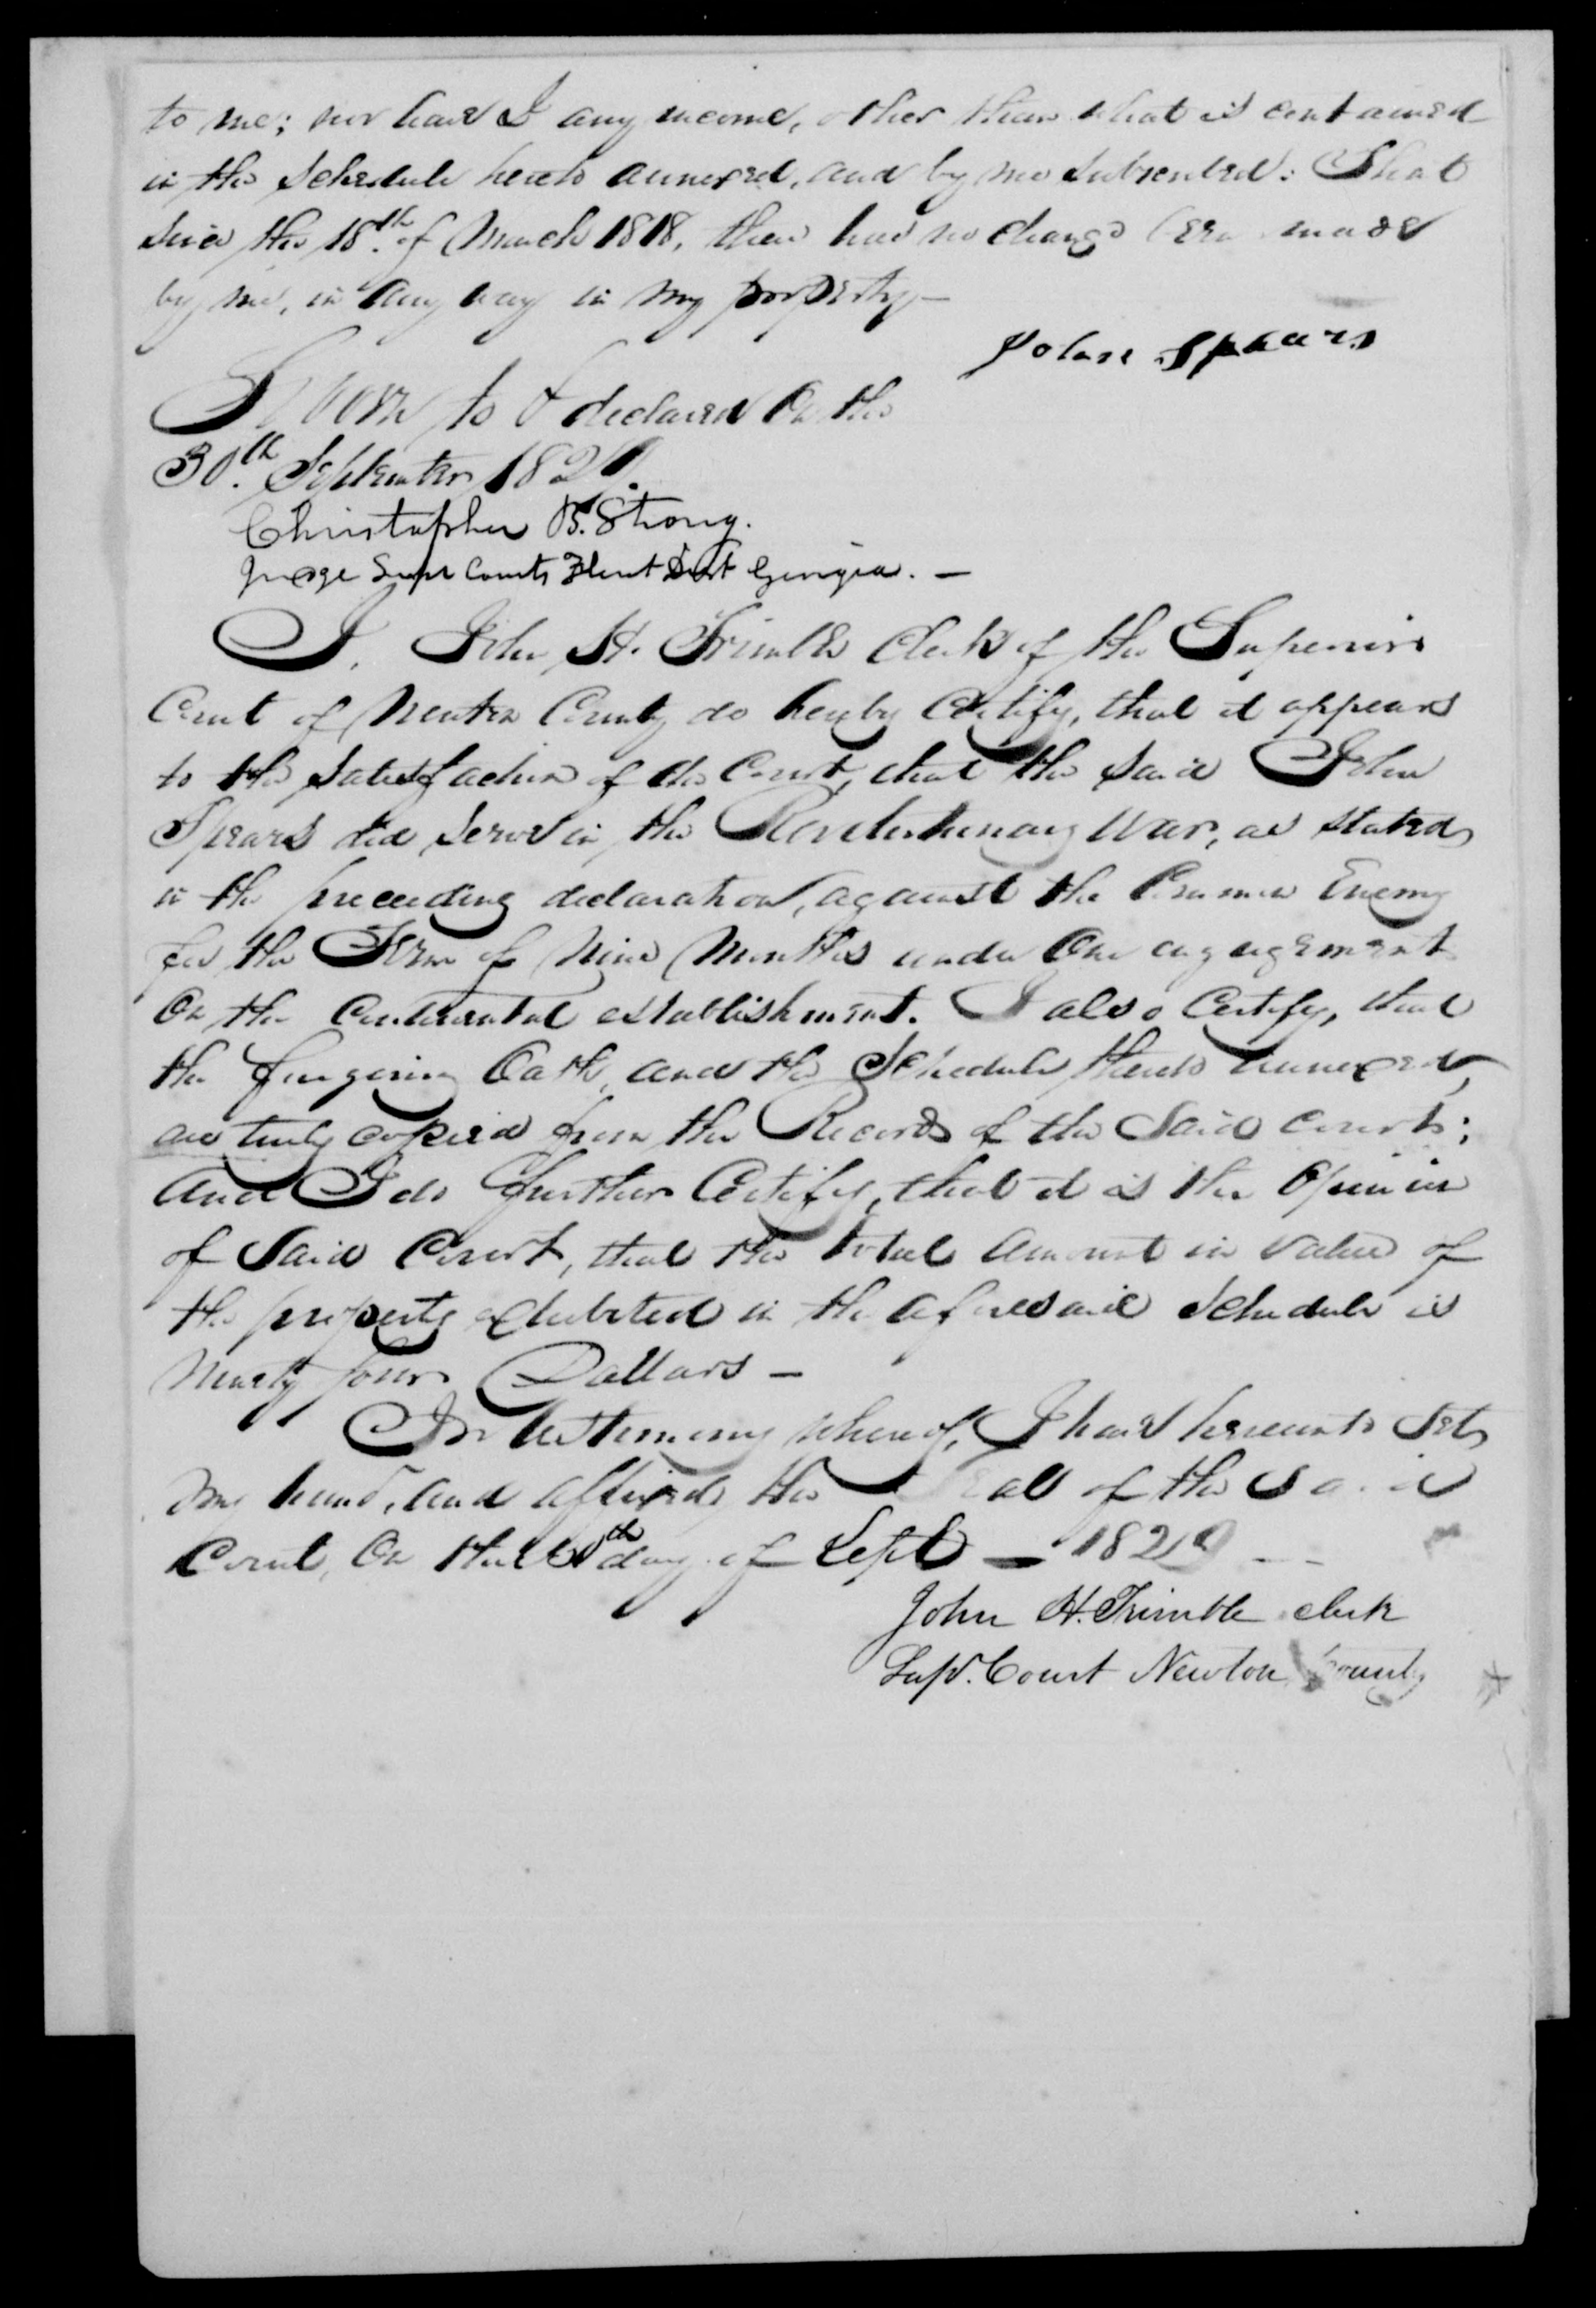to me; for had I any income, other than what is contained in the Schedule hereto annexed, and by me subscribed; That Since the 18th of March 1818, there had no change here made by me, in any way in my property-
John Spears

Sworn to & declared on the 30th September 1821
Christopher B. Stong.
Judge Supr County Flint Dist Georgia.-

I, John H. Trimble Clerk of the Superior Court of Newton County do hereby Certify that it appears to the Satisfaction of the Court that the Said John Spears did Serve in the Revolutionary War, as stated in the preceeding declaration, against the Common Enemy for the Term of Nine Months under One engagement On the Continental establishment. 

I also Certify, that the foregoing Oath, and Schedule thereto annexed are truly copied from the records of the Said Court; And I do further Certify that it is the opinion of Said Court, that the total amount in value of said property exhibited in the aforesaid Schedule is ninety four Dollars - 

In testimony whereof I have hereunto set my hand, and affixed the Seal of this said Court On thirtieth day of Sept 1821
John H. Trimble clerk
Supr Court Newton County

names: John Spears; John Spears; John H Trimble; Christopher B Strong; John H Trimble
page: 7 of 12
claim: survivor's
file: S. 39851, for John Spears, Virginia